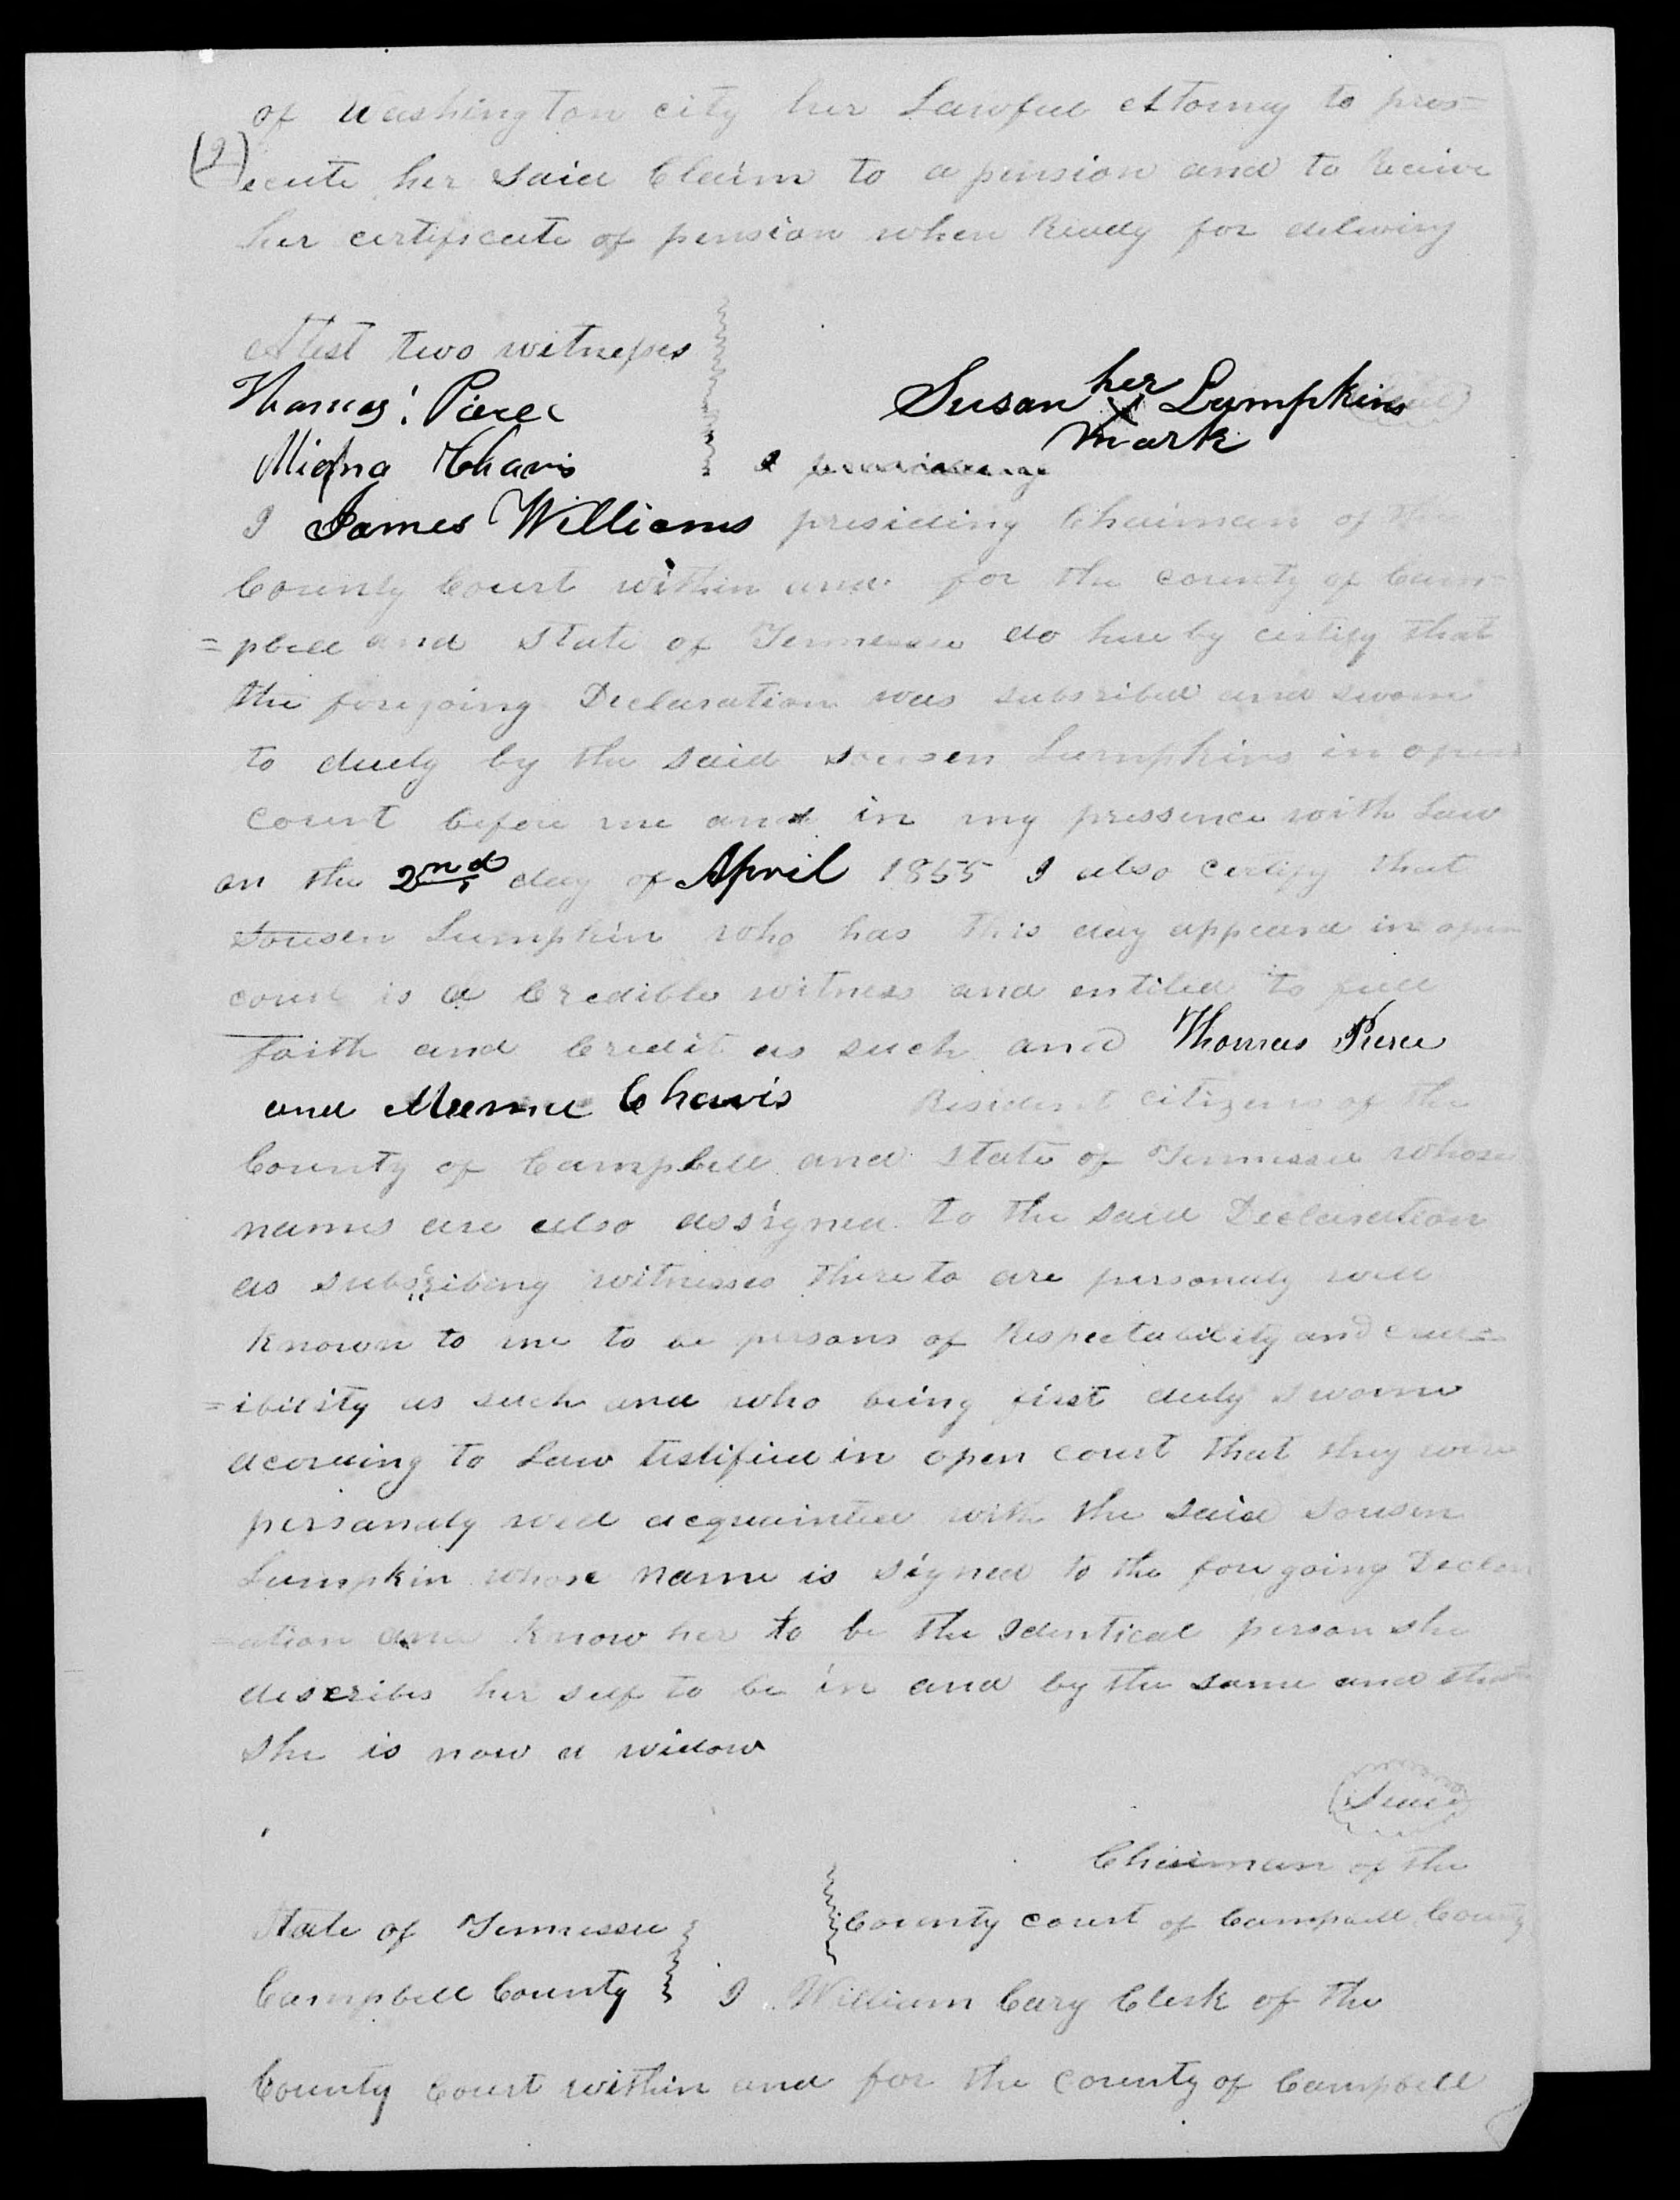(Handwritten document)

of Washington City her Lawful Attorney to prosecute her said claim to a pension and to receive her certificate of pension when Ready for delivery

Susan her X mark Lumpkin

attest two witnesses
Thomas Pace}
Maurice Chavis}

I James Williams presiding chairman of the
County Court within and for the County of Campbell and State of Tennessee do hereby certify that the foregoing Declaration was subscribed and sworn to duty by the said Susan Lumpkin in open Court before me and in my pressence with law on the 2nd day of April 1855 I also certify that Susan Lumpkin who has this day appeared in open court is a Credible witness and entitled to full faith and credit as such and Thomas Pierce and Maurice Chavis Resident citizens of the County of Campbell and State of Tennessee whose
names are also assigned to the said Declaration as subscribing witnesses thereto are personally well known to me to be persons of Respectability and credibility as such and who being first duly sworn according to law testified in open court that they were
personally well acquainted with the said Susan
Lumpkin whose name is signed to the foregoing Declaration and know her to be the Identical person she describes herself to be in and by the same and that she is now a widow
 
(The word Seal is circled)


State of Tennessee} | Chairman of the 
Campbell County}  | County Court of Campbell County
 
 I William Cary Clerk of the County Court within and for the County of Campbell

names: Migna Charis; William Cary; Susan Lumpkins; Thomas Pierce; James Williams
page: 12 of 37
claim: rejected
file: R. 6521, for Dickeson Lumpkin, Pennsylvania